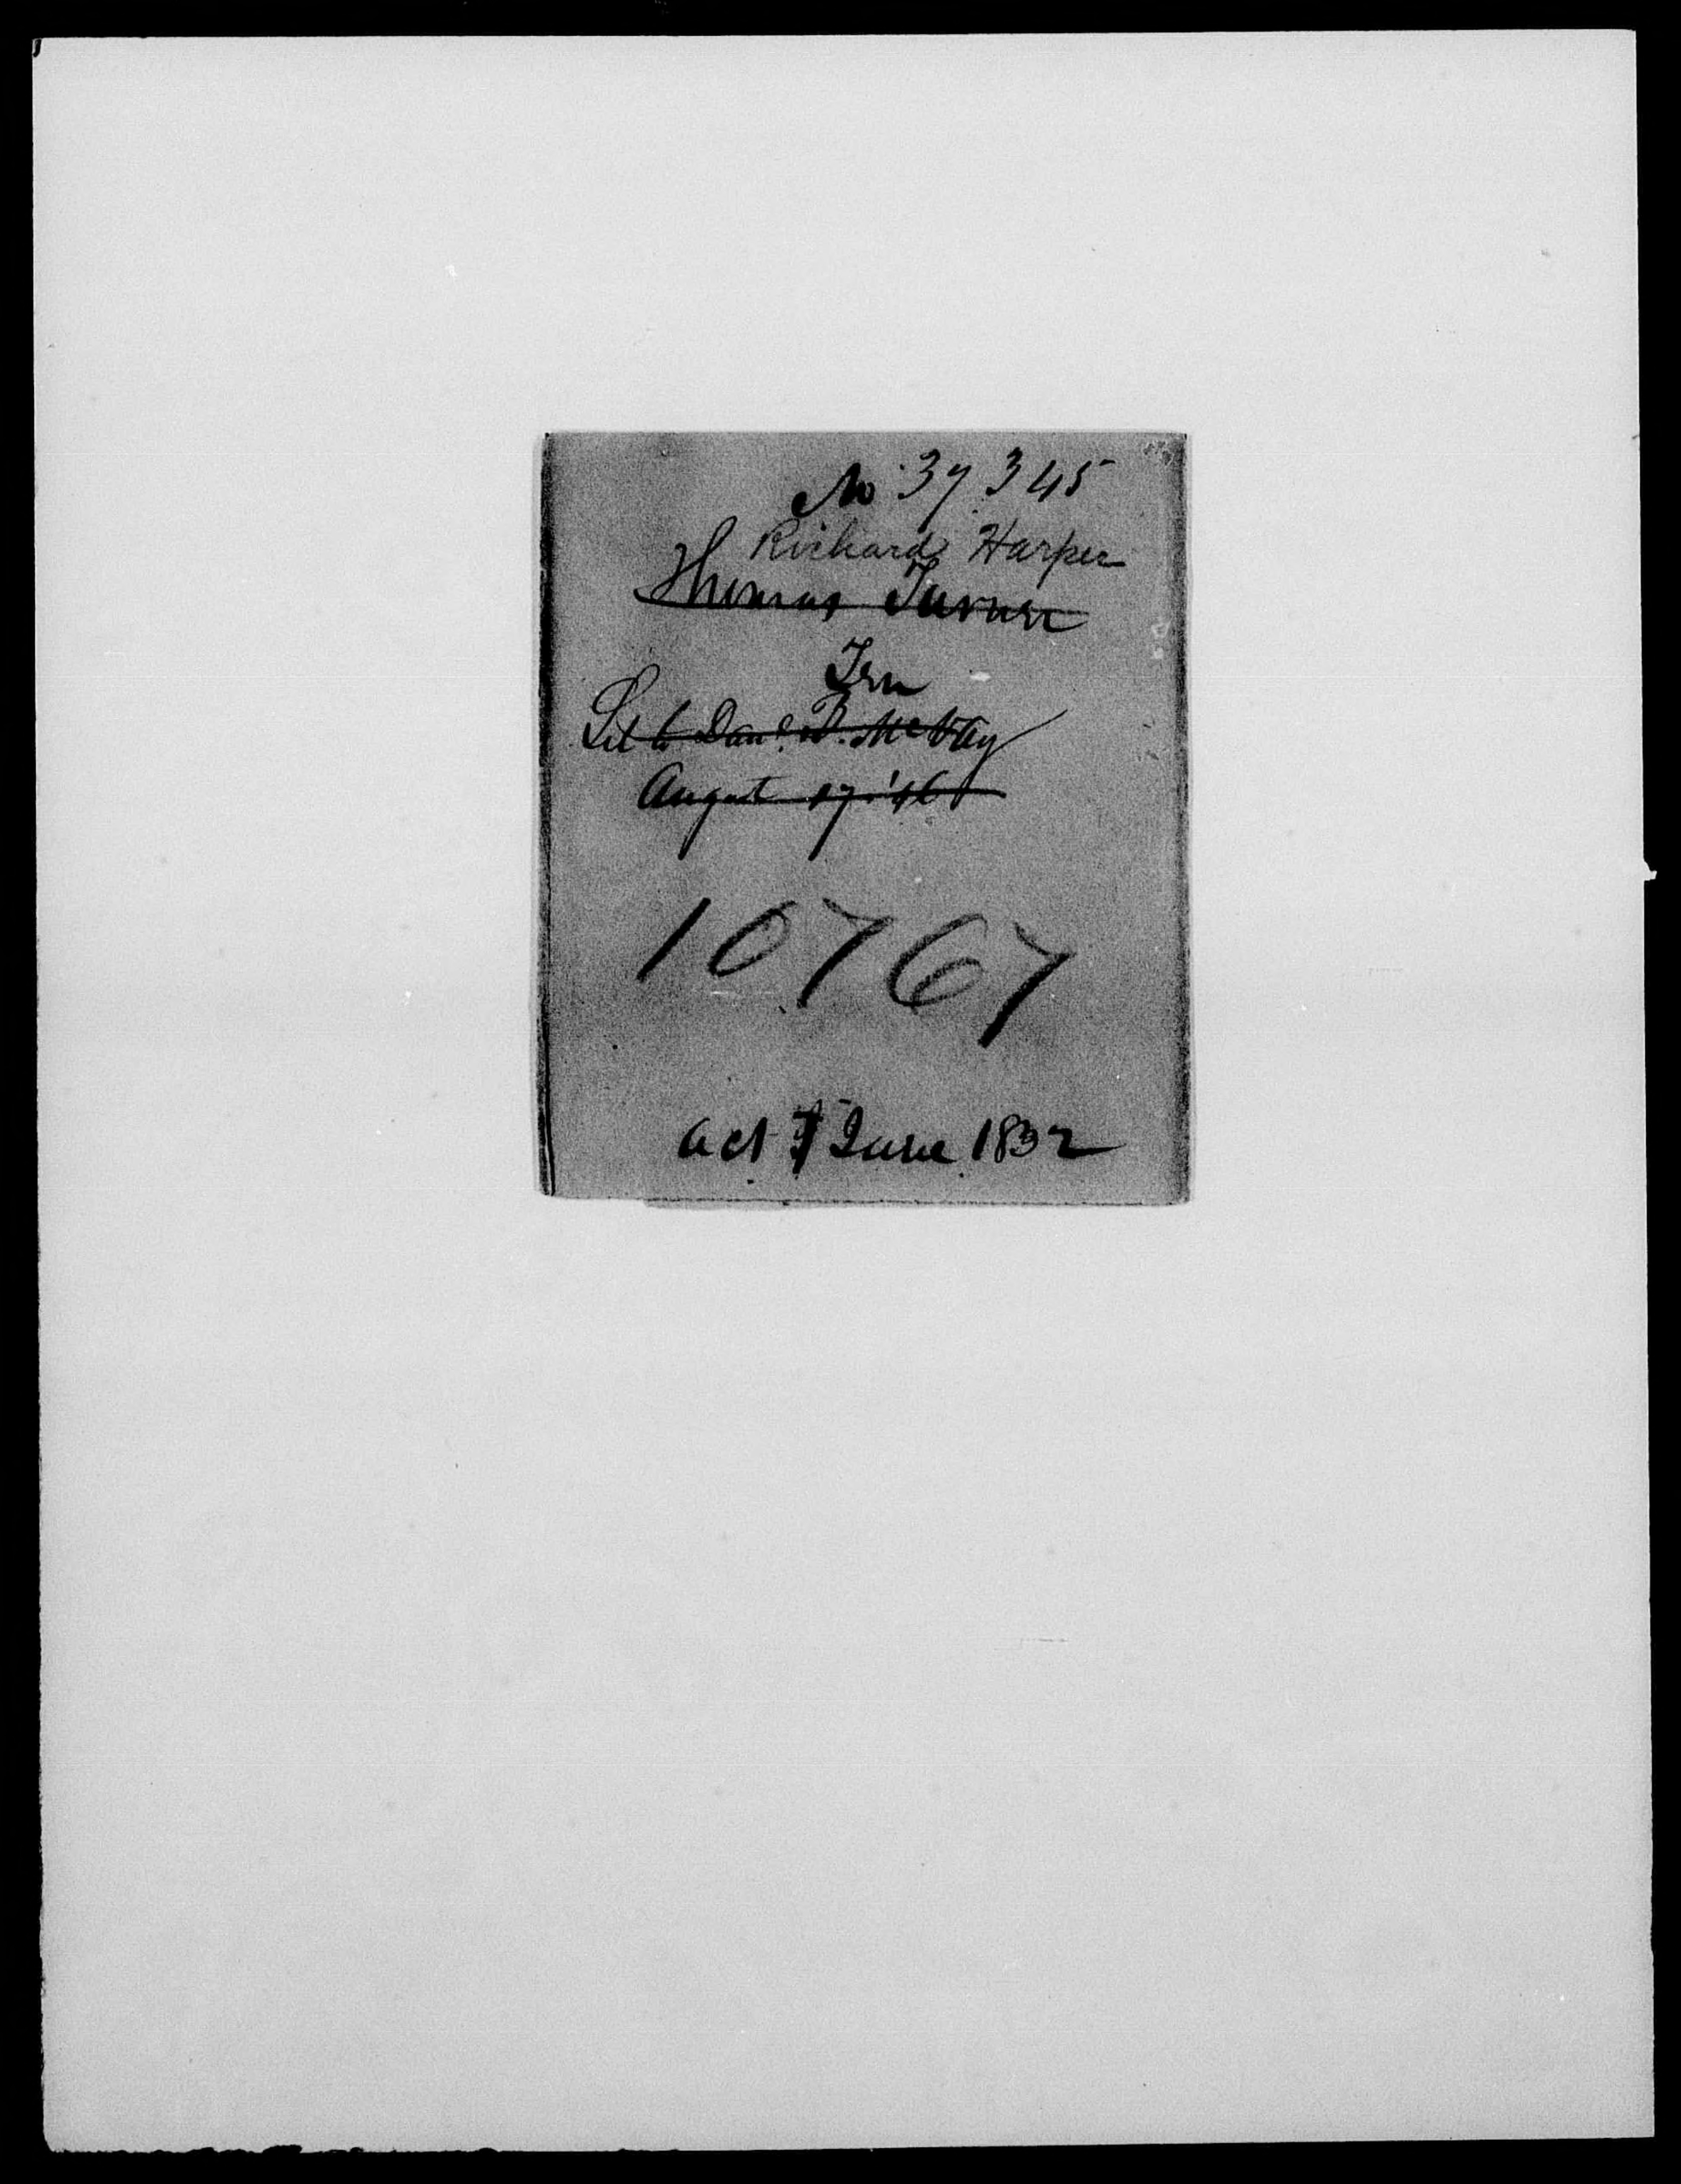No 37345
Richard Harper
[Thomas Turner - CROSSED OUT]
Trn
[Sent to Dan'l B. McVay - CROSSED OUT]
[August 17, '46 - CROSSED OUT]

10767

act 7 June 1832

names: Thomas Turner, Danl B Mc Vay, Richard Harper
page: 15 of 81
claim: survivor's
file: S. 1908, Richard Harper, N.C.